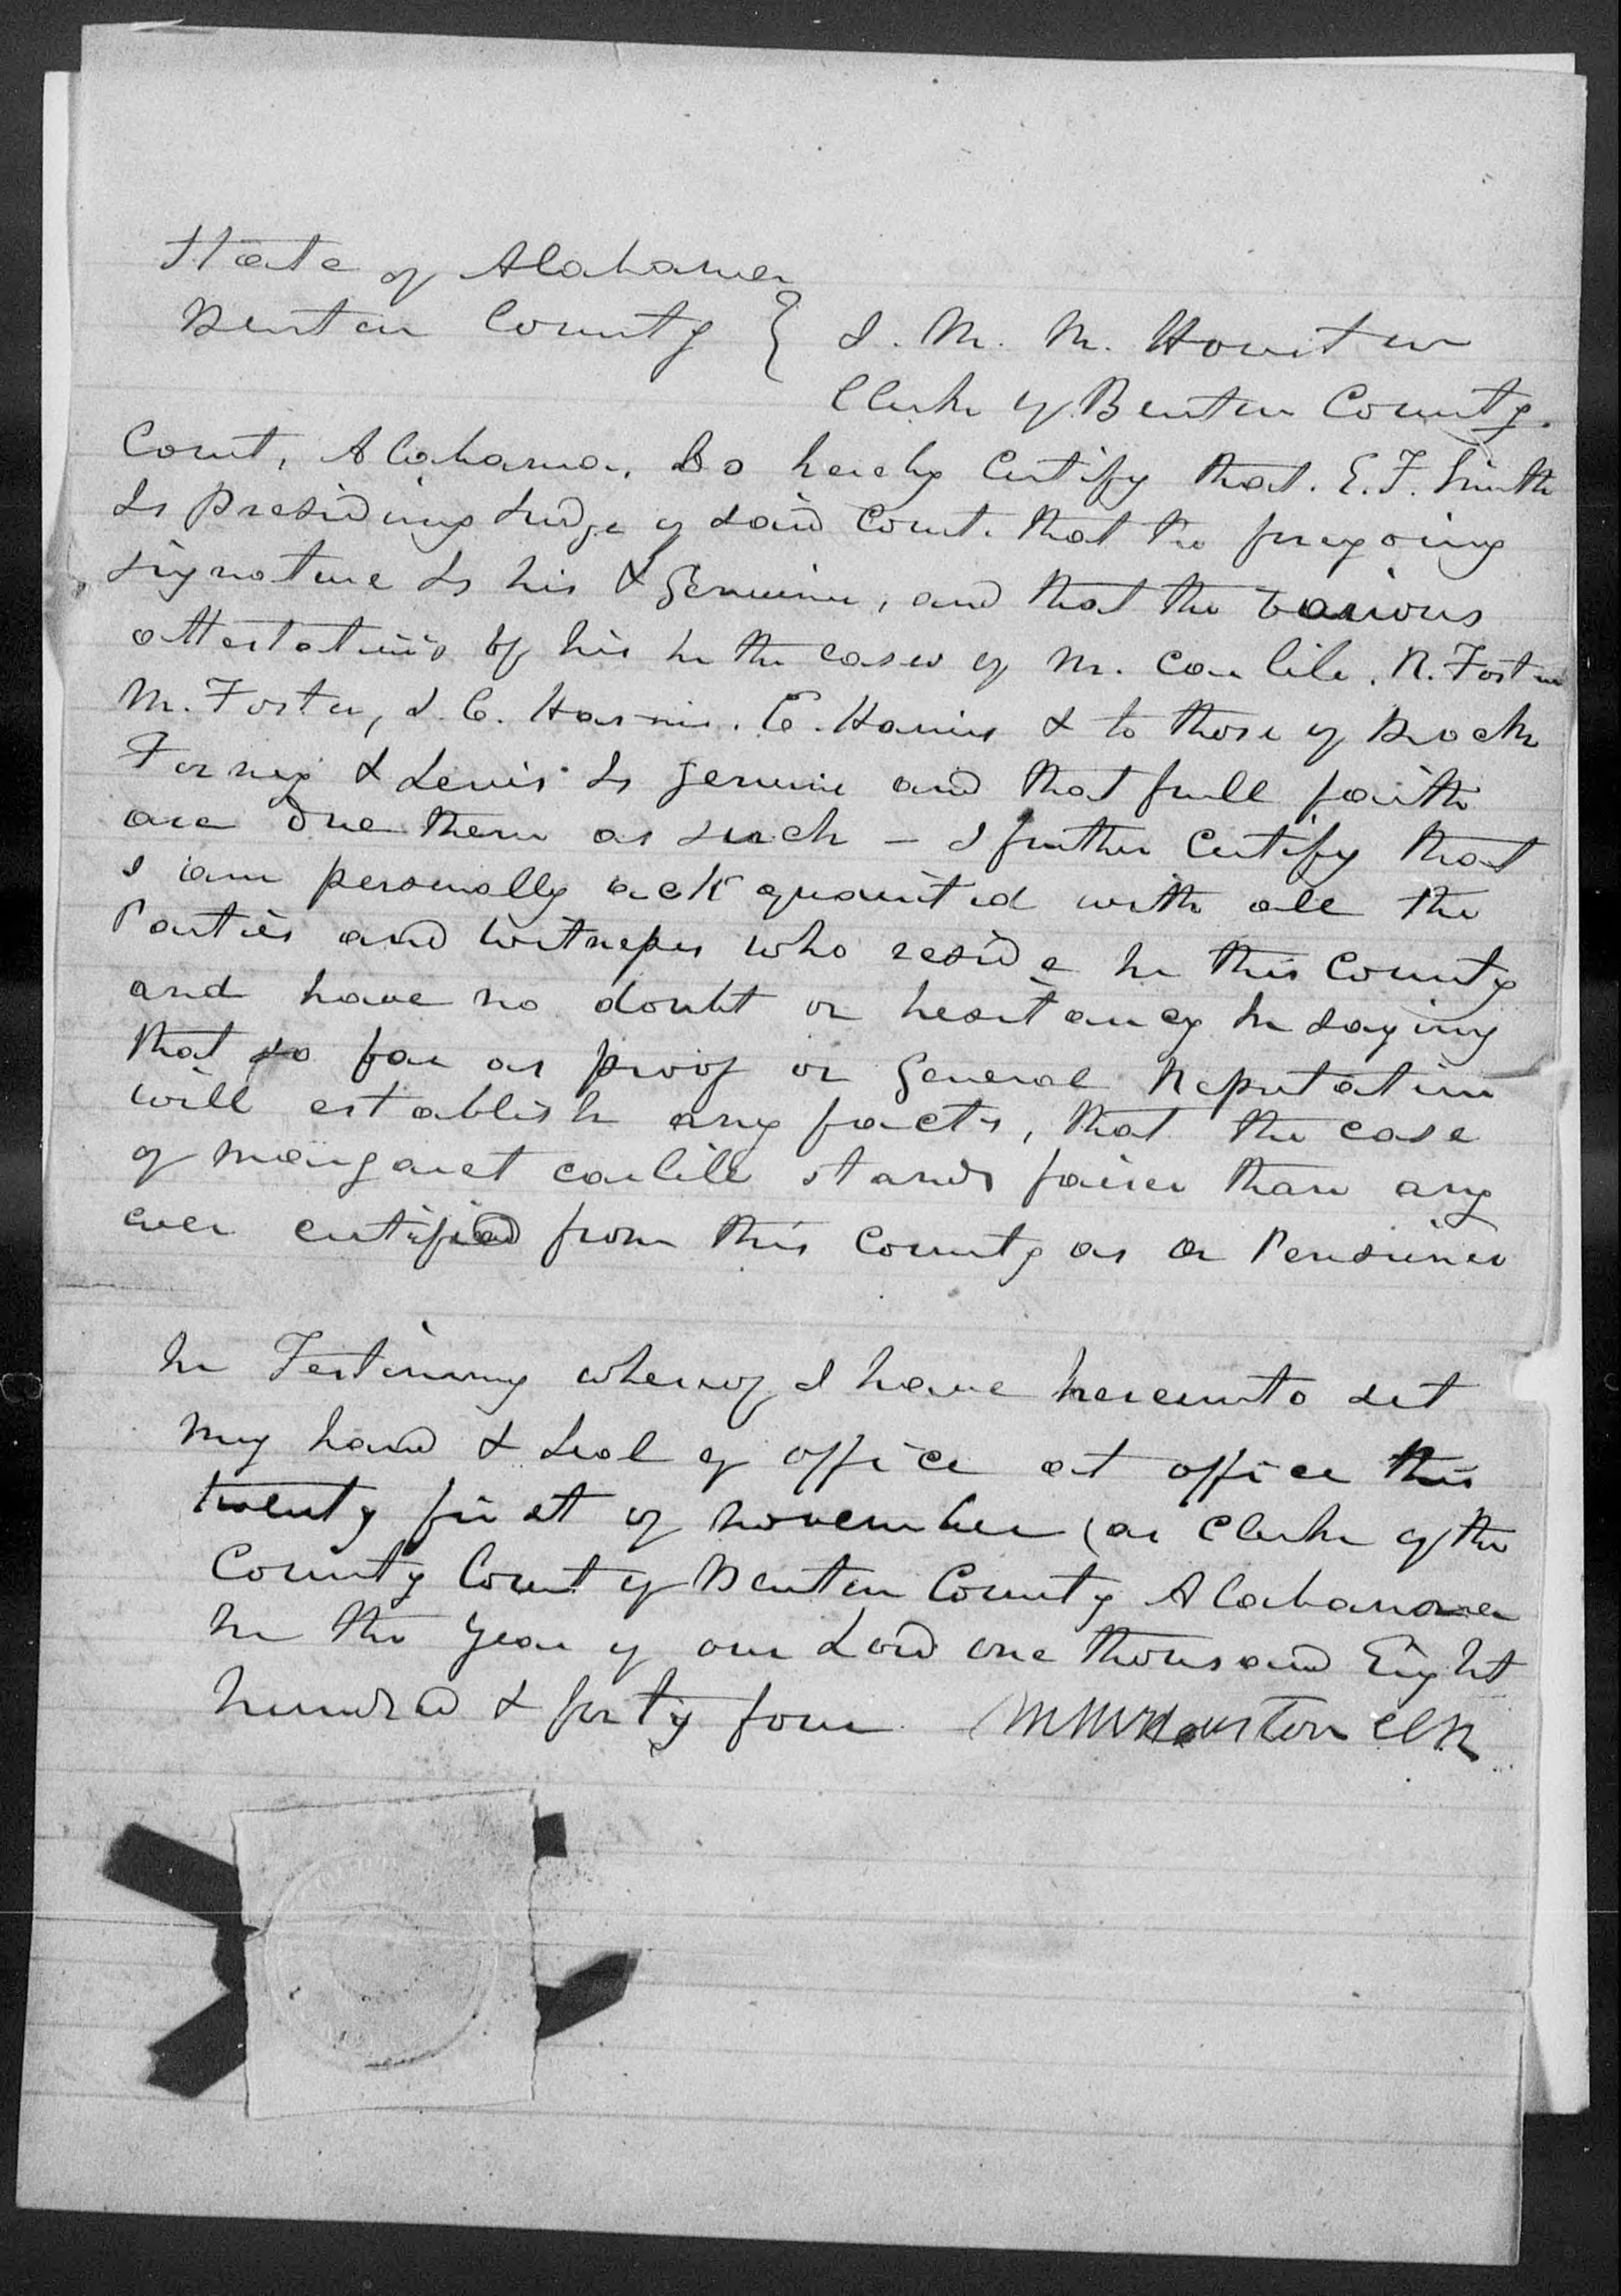State of Alabama
Benton County ⎬ 
I, M. M. Houston Clerk of Benton County Court, Alabama, Do hereby certify that E. F. Smith is
Presiding Judge of said Court, that the foregoing signature is his & genuine, and that the various
attestations of his in the cases of Mr. Carlisle. R. Foster, M. Foster, J.C. Harris E. Harris & to those of Brock, Forney & Lewis is genuine and that full faith is due them as such - I further certify that
personally acquainted with all the Parties and witnesses who reside in this County and have no doubt
or hesitancy in saying for proof or General reputation will establish any facts, that the case of Margaret Carlisle could stand fairer than any ever certified from this County as or Pensioner

In Testimony whereof I have hereunto set my hand & seal of office at office this twenty first of November (as Clerk of the County Court of Barton County Alabama) In the year of our Lord one thousand Eight hundred & forty four 
M.M. Houston Clk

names: E F Smith, R Foster, M M Houston, Margaret Carlile, J C Harris, M M Houston, M Carlile, C Harris, M Foster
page: 72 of 91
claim: widow's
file: W. 10576, Francis Carlisle, S.C.